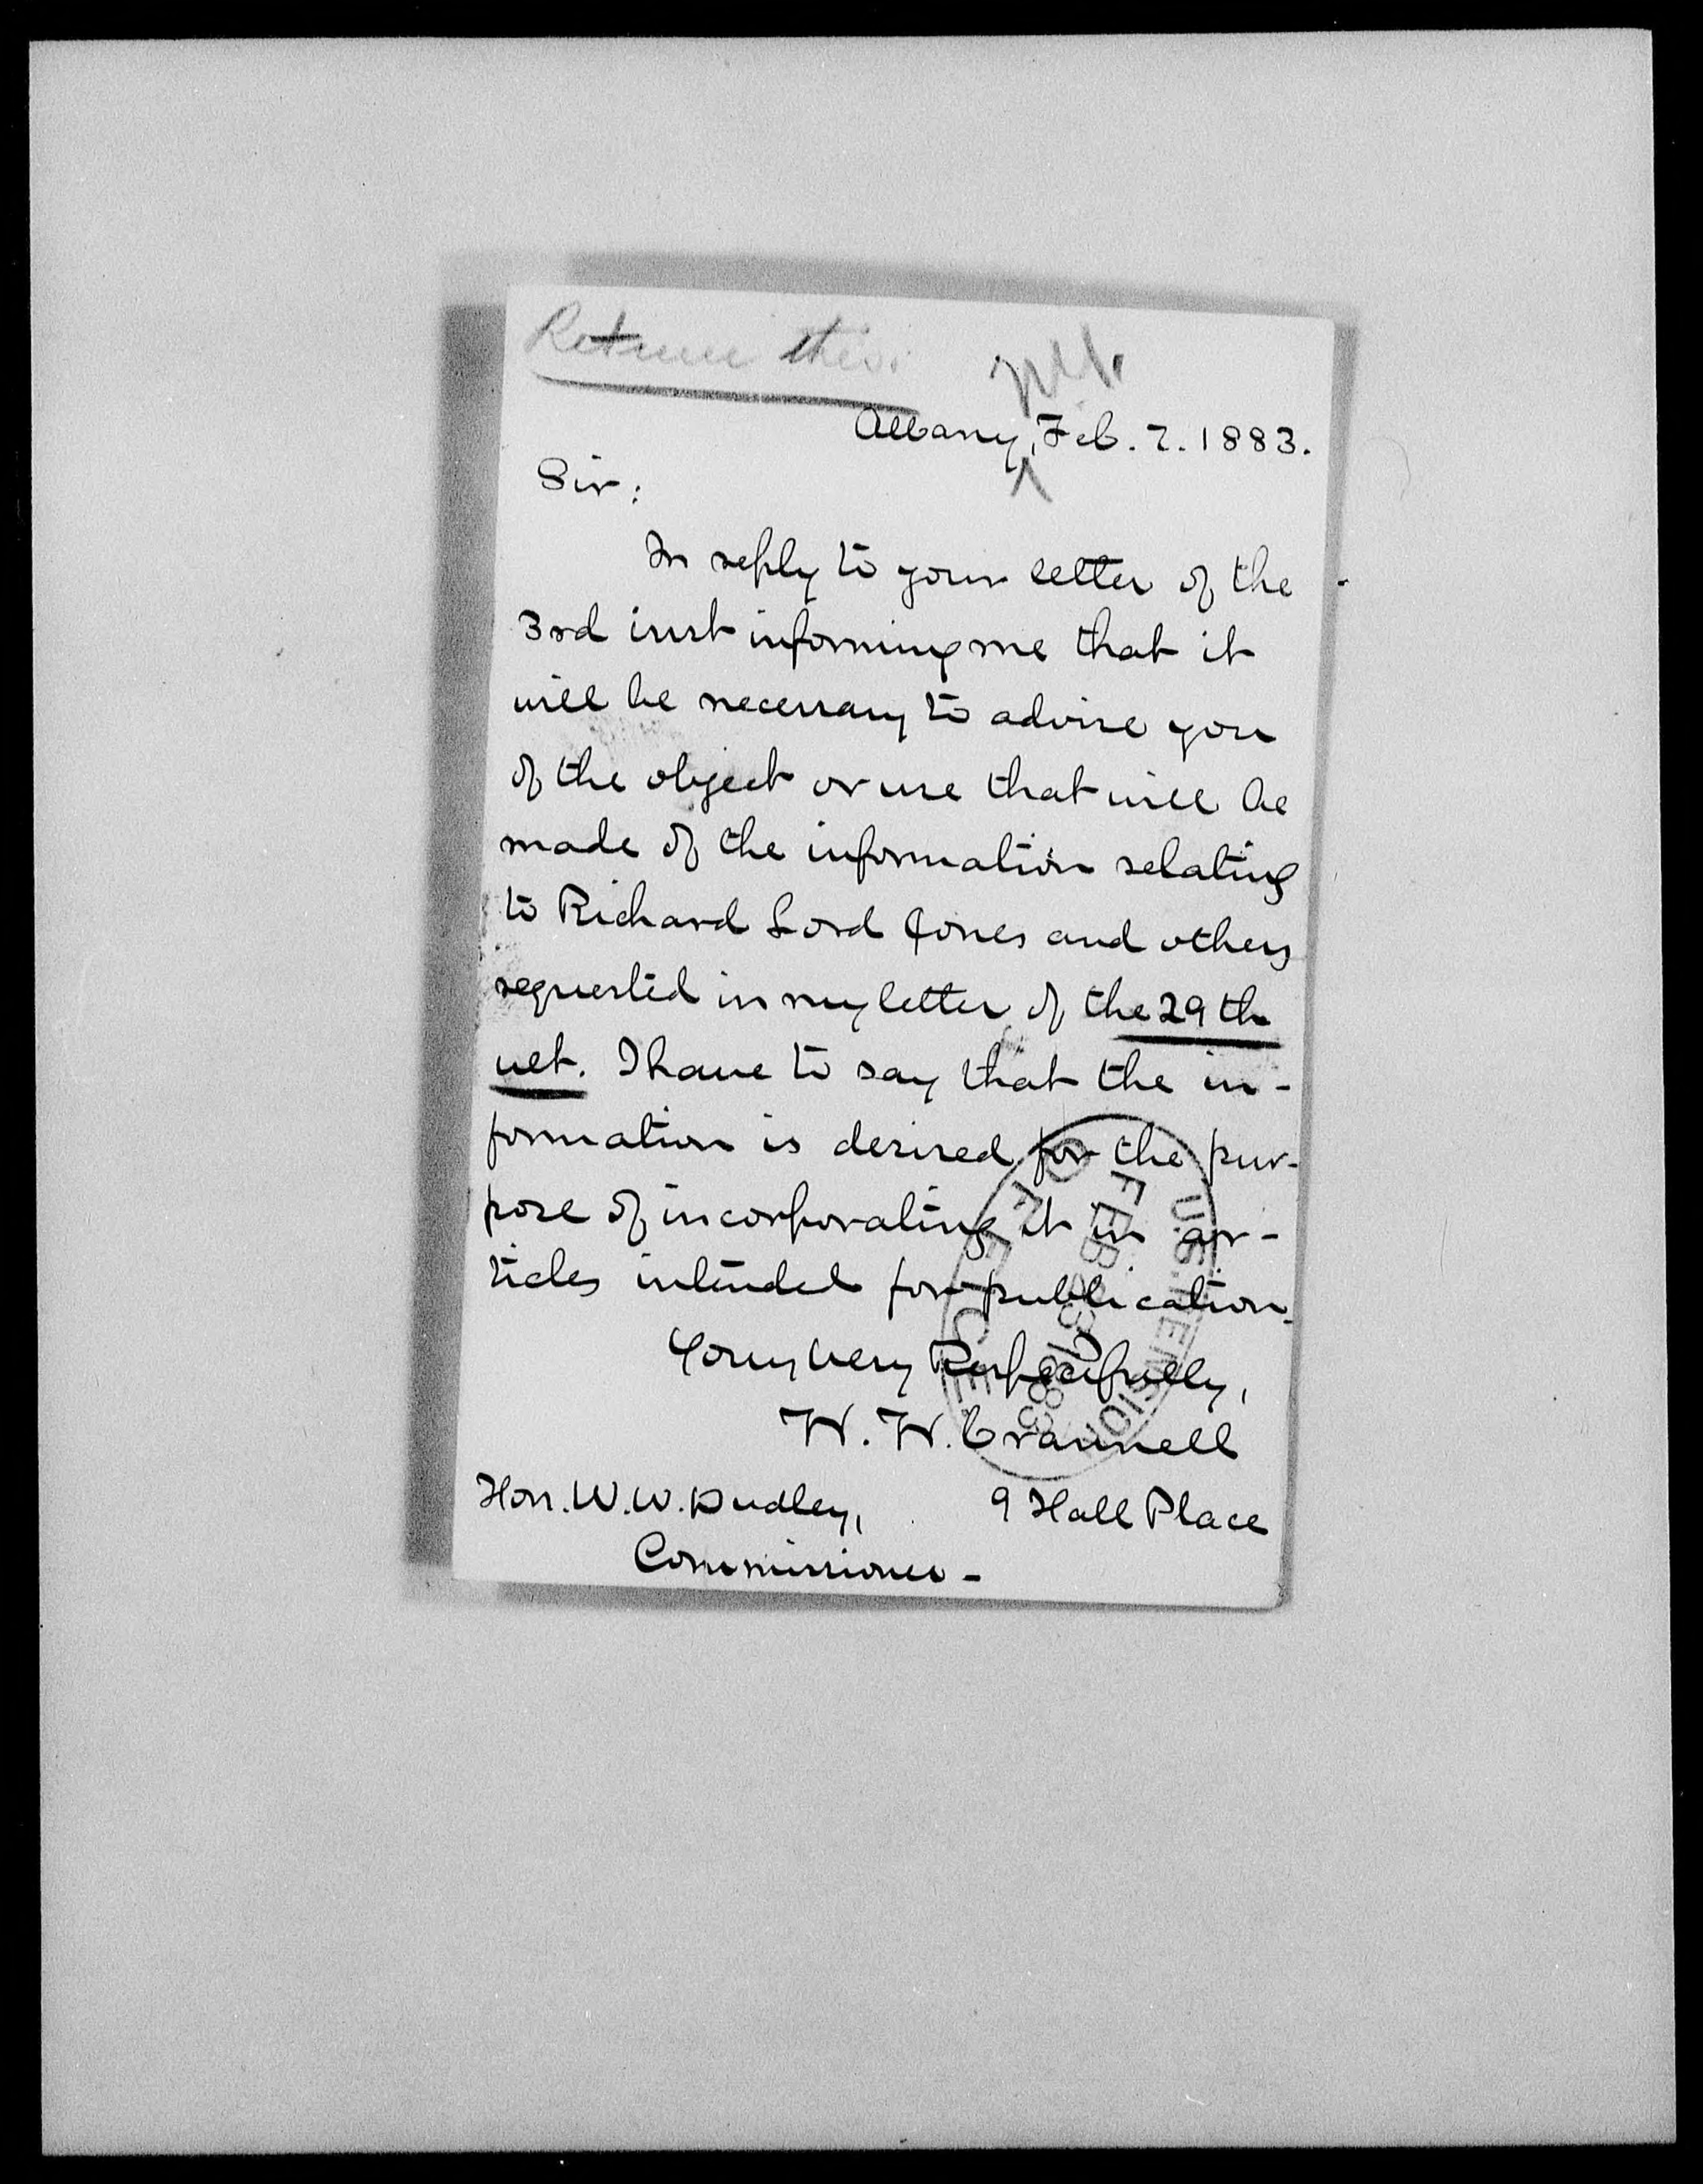Return these 
Albany^ N.Y.  Feb. 2. 1883
Sir
In reply to your letter of the
3rd inst informing me that it
will be necessary to advise you
of the object or use that will be
made of the information relating
to Richard Lord Jones and others
requested in my letter of the 29th
uct. I have to say that the information is desired for the purpose of incorporating it in articles intended for publication
Yours Very Respectfully
W. W. Crannell
9 Hall Place
Hon. W.W. Dudley,
Commissioner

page: 58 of 62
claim: widow's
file: W. 765, for Richard L Jones, Connecticut